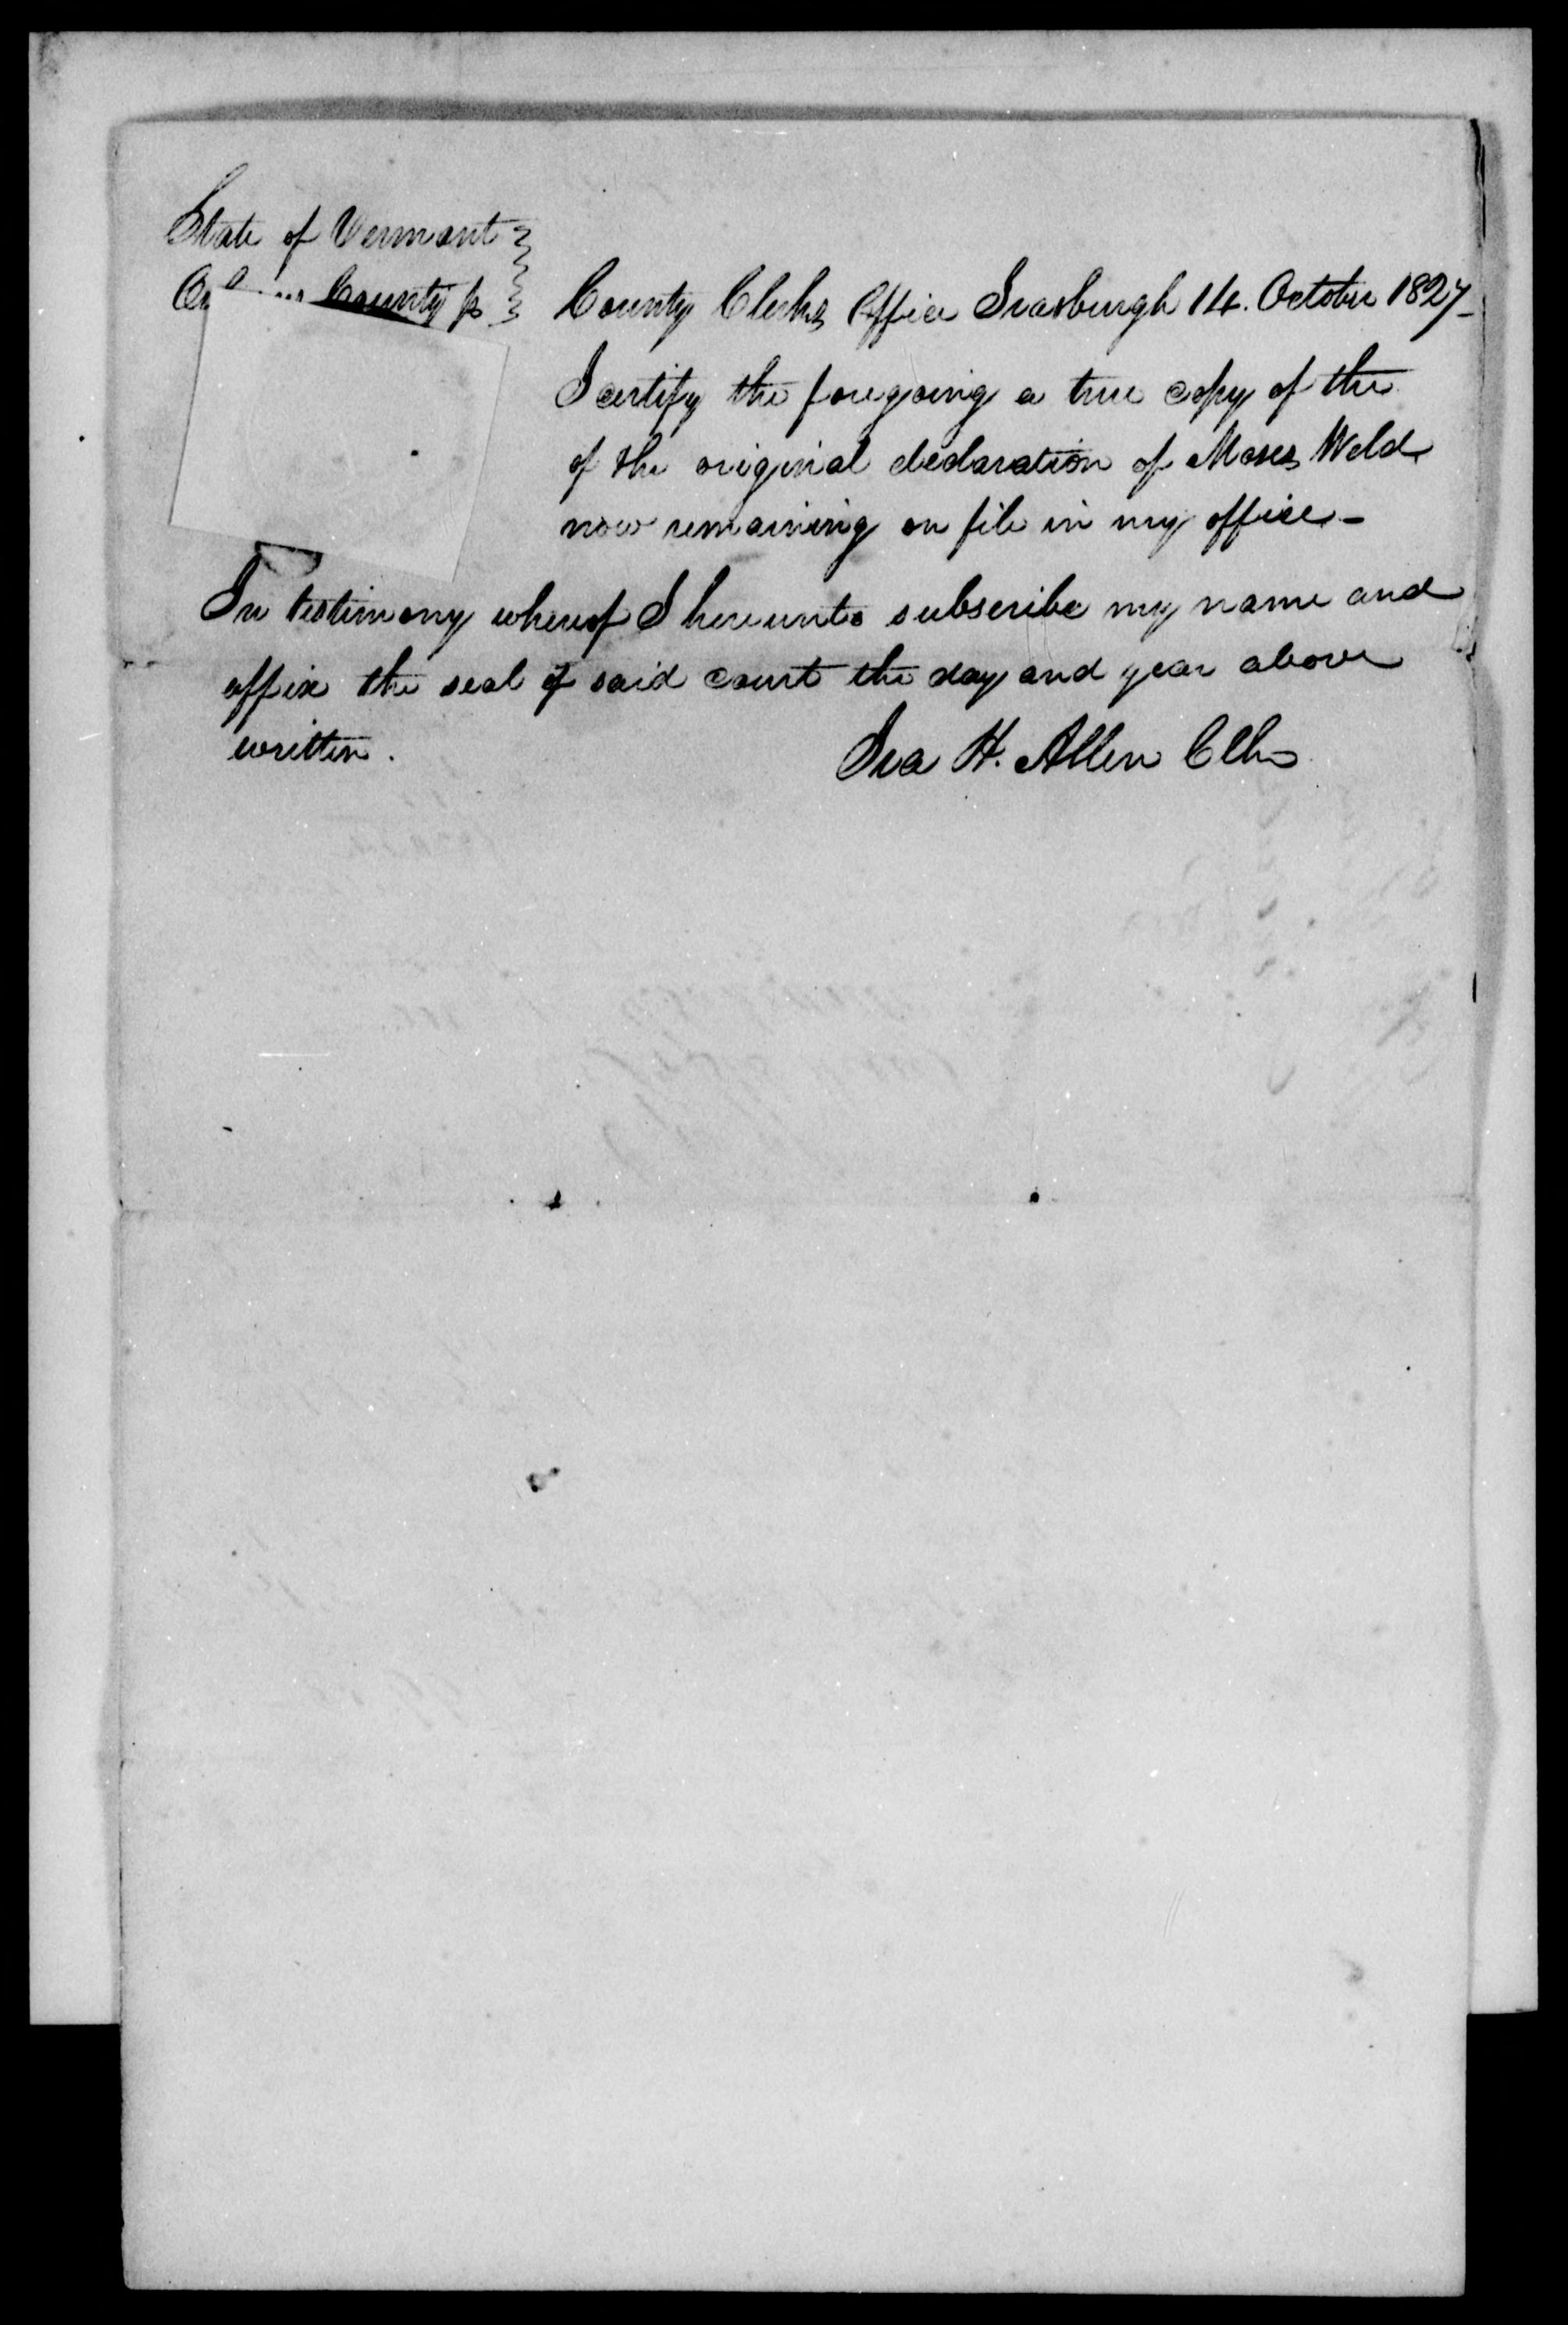State of Vermont
Orleans County
County Clerks Office Scarburgh 14. October 1827
I certify the foregoing a true copy of the
of the original declaration of Moses Weld
now remaining on file in my office-
In testimony whereof I hereunto subscribe my name and affix the seal of said Court the day and year above written
Ira H. Allen Clk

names: Moses Weld, Ira H Allen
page: 87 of 87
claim: widow's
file: W. 25,966, Moses Weld, Mass.